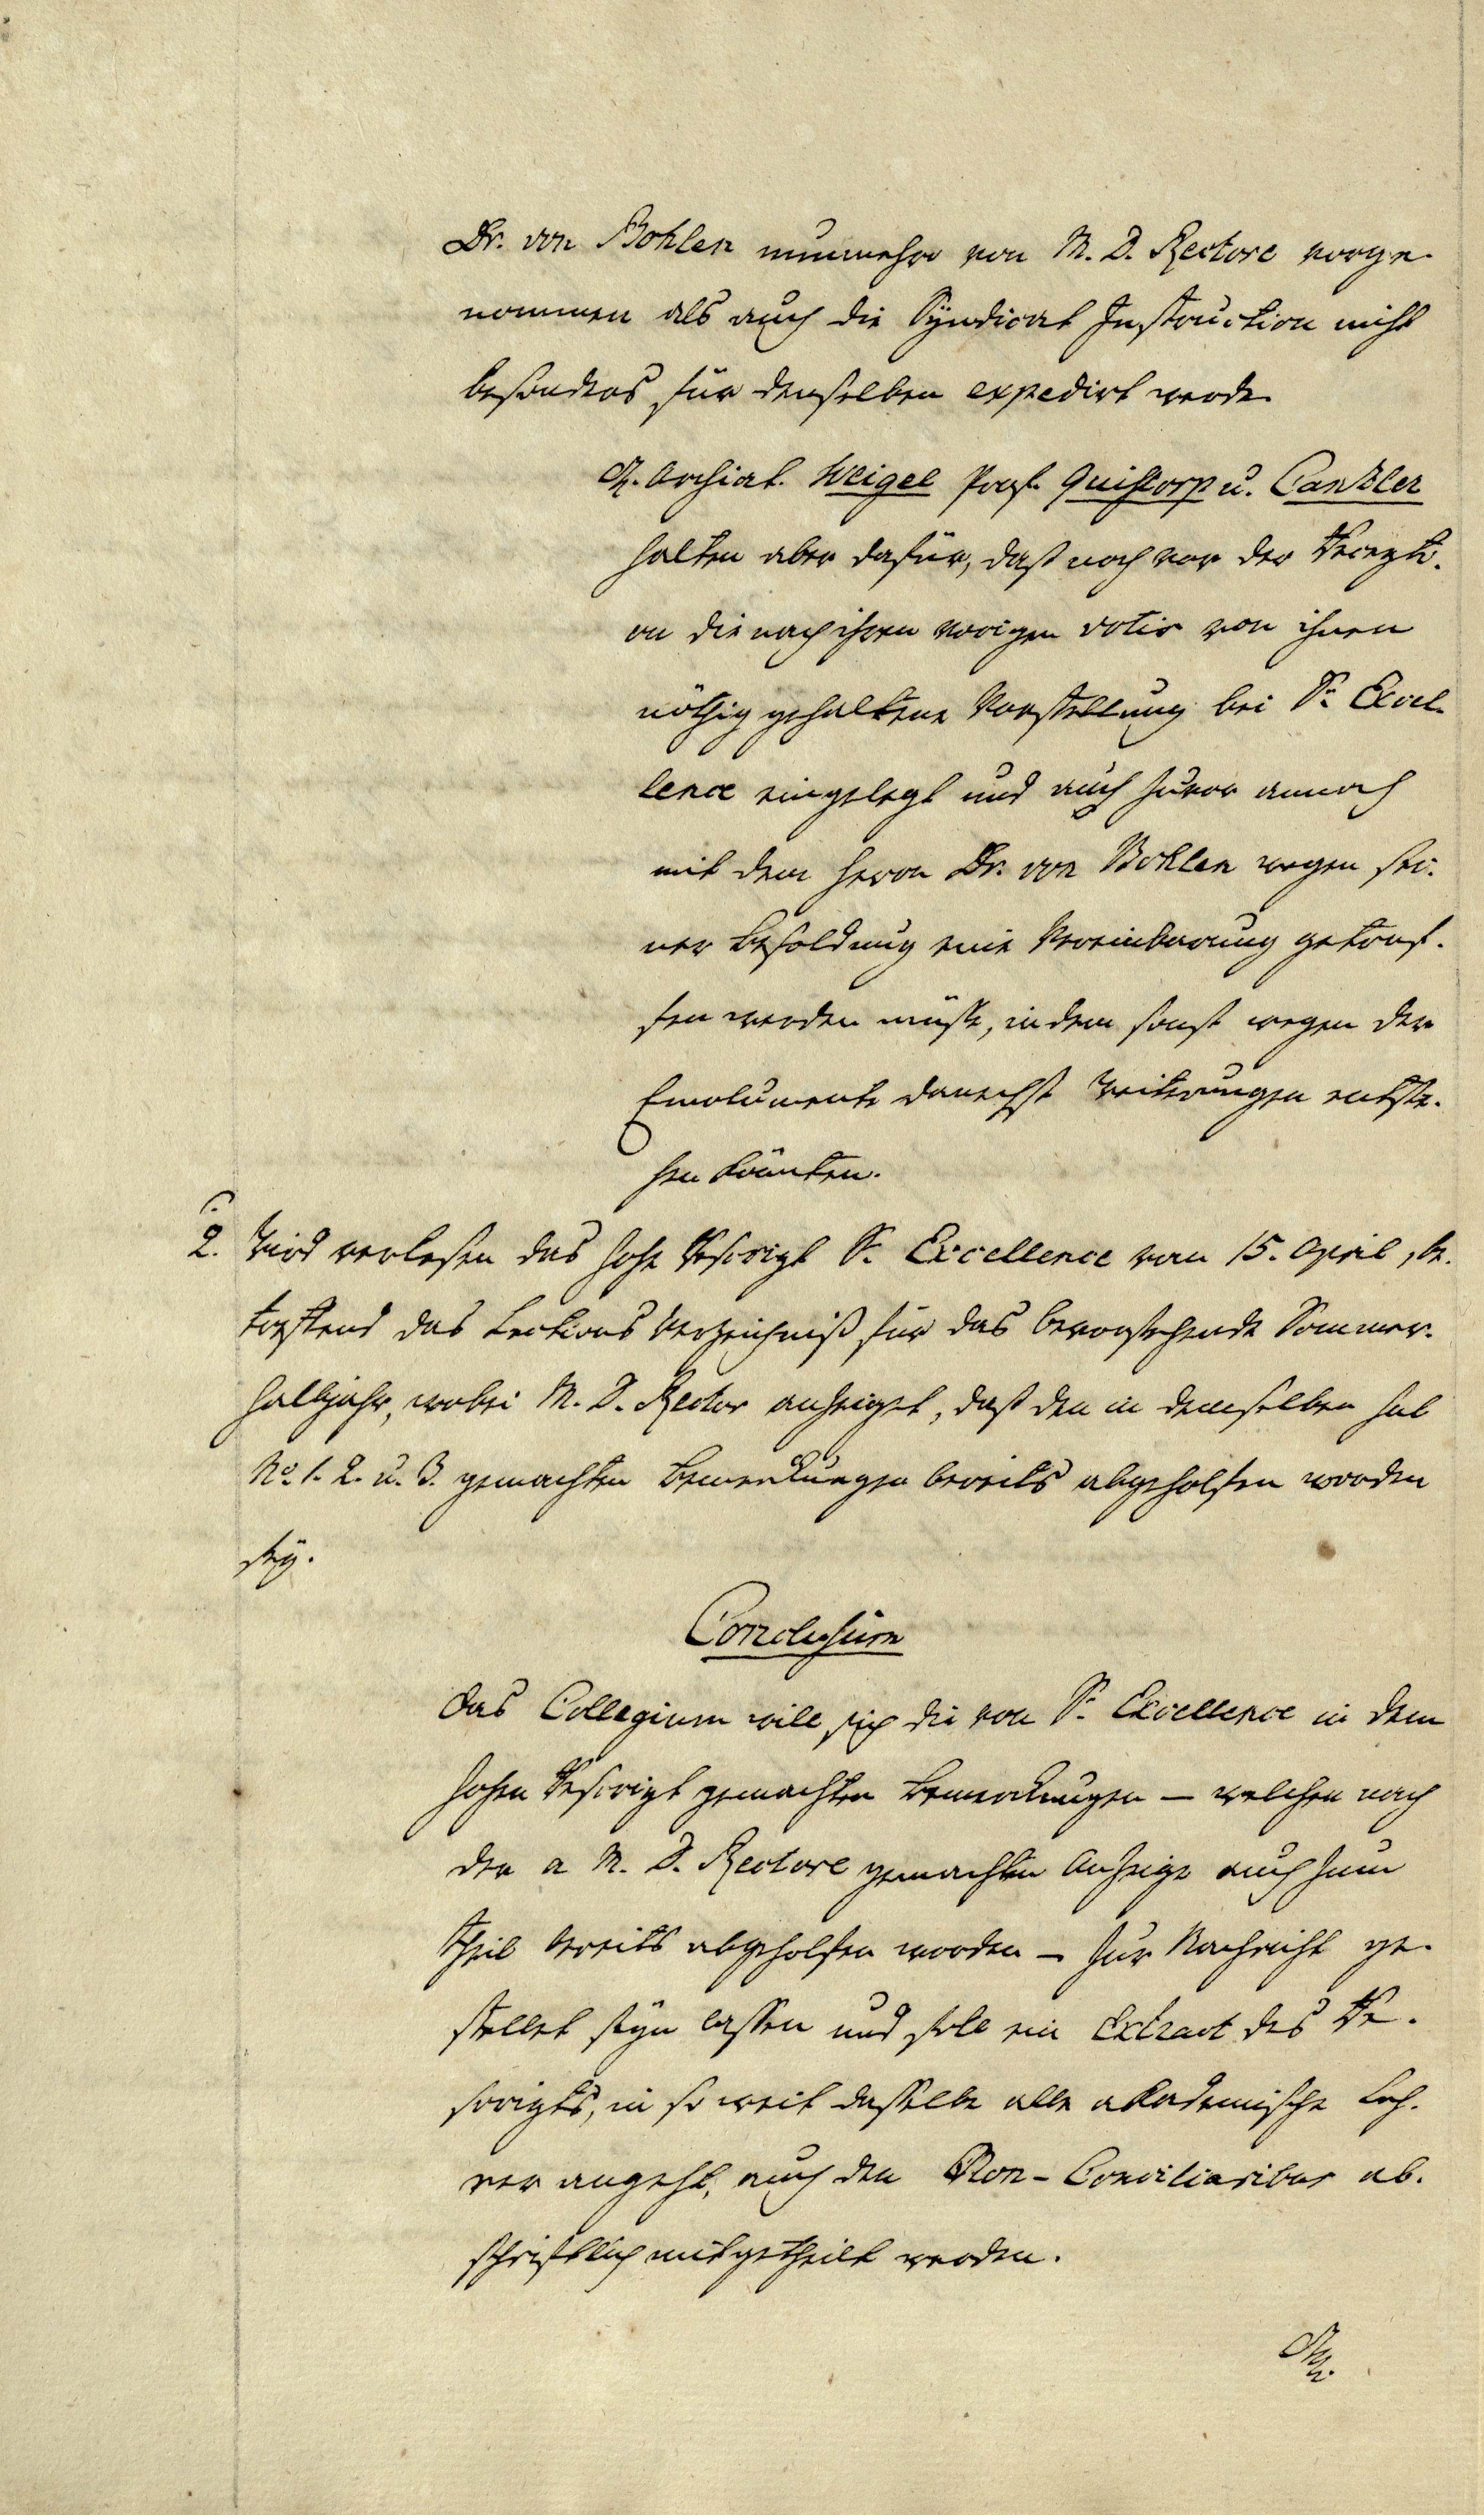Dr. von Bohlen nunmehro von M. D. Rectore vorge¬
nommen als auch die Sÿndicat Instruction nicht
besonders für denselben expedirt werde.
dh. Archiat. Weigel Prof. Quistorp u. Canzler
halten aber dafür, daß noch vor der Recepti¬
on die nach ihren vorigen votis von ihnen
nöthig gehaltene Vorstellung bei Sr. Excel¬
lence eingelegt und auch zuvor annoch
mit dem Herrn Dr. von Bohlen wegen sei¬
ner Besoldung eine Vereinbarung getrof¬
fen werden müsse, indem sonst wegen der
Emolumente danechst Weiterungen entste¬
hen könnten.
2. Wird verlesen das hohe Rescript Sr Excellence vom 15. April, be¬
treffend das Lections Verzeichniß für das bevorstehende Sommer¬
halbjahr, wobei M. D. Rector anzeiget, daß den in demselben sub
No. 1. 2. u. 3. gemachten Bemerckungen bereits abgeholfen worden
seÿ.
Conclusum
Das Collegium will sich die von Sr Excellence in dem
hohen Rescript gemachten Bemerckungen - welchen nach
der a M. D. Rectore gemachten Anzeige auch zum
Theil bereits abgeholfen worden - zur Nachricht ge¬
stellet seÿn lassen und soll ein Extract des Re¬
scripts, in so weit dasselbe alle akademische Leh¬
rer angeht, auch den Non- Conciliaribus ab¬
schriftlich mitgetheilt werden.
dh